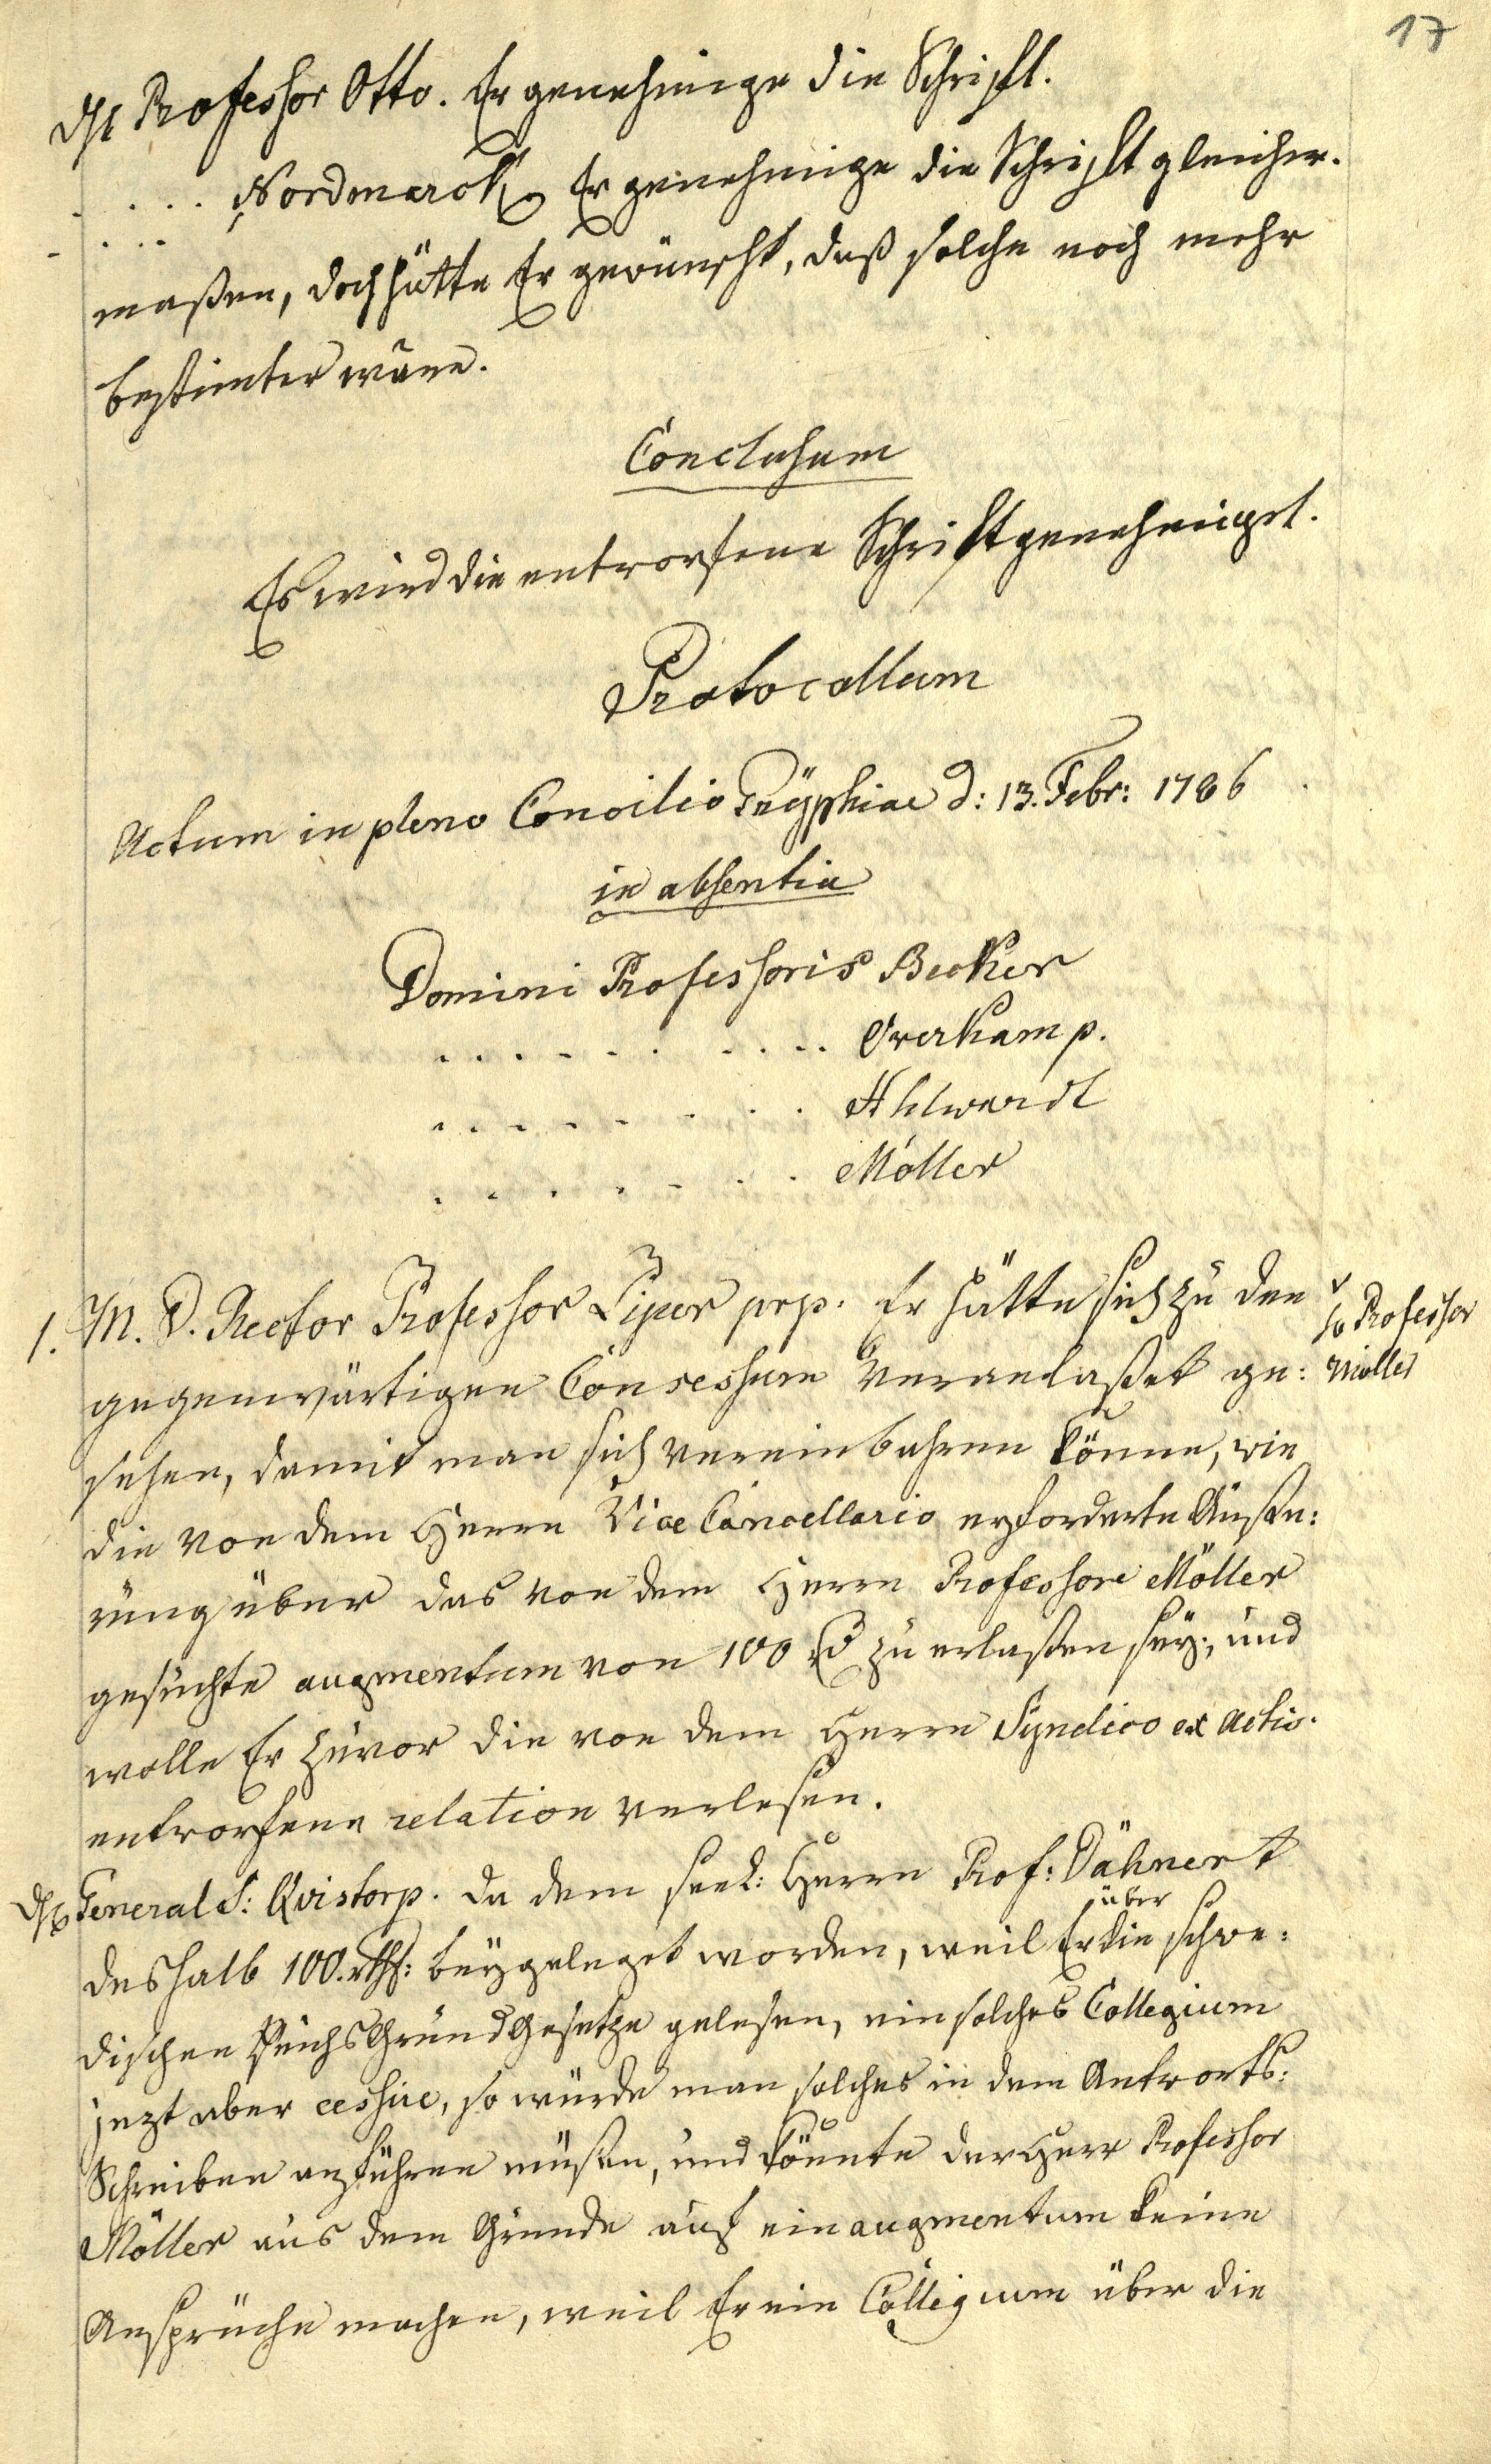dh Professor Otto. Er genehmige die Schrift.
Nordmarck Er genehmige die Schrift gleicher¬
maßen, doch hätte Er gewünscht, daß solche noch mehr
bestimter wäre.
Conclusum
Es wird die entworfene Schrift genehmiget.
Protocollum
Actum in pleno Concilio Grÿphiae d. 13. Febr. 1786
in absentia
Domini Professoris Becker
Overkamp.
Ahlwardt
Möller
1. M. D. Rector Professor Piper prp. Er hätte sich zu dem
gegenwärtigen Consessum veranlaßet ge¬
sehen, damit man sich vereinbahren könne, wie
die von dem Herrn Vice Cancellario erforderte Äuße¬
rung über das von dem Herrn Professore Möller
gesuchte augmentum von 100 rt zu erlaßen seÿ; und
wolle Er zuvor die von dem Herrn Sÿndico ex Actis
entworfene relation verlesen.
dh GeneralS. Quistorp. Da dem seel. Herrn Prof. Dähnert
deshalb 100 rthl beÿgeleget worden, weil Er über die schwe¬
dischen Reichs Grundgesetze gelesen, ein solches Collegium
jezt aber cessire, so würde man solches in dem Antworts
Schreiben an führen müßen, und könnte der Herr Professor
Möller aus dem Grunde auf ein augmentum keine
Ansprüche machen, weil Er ein Collegium über die